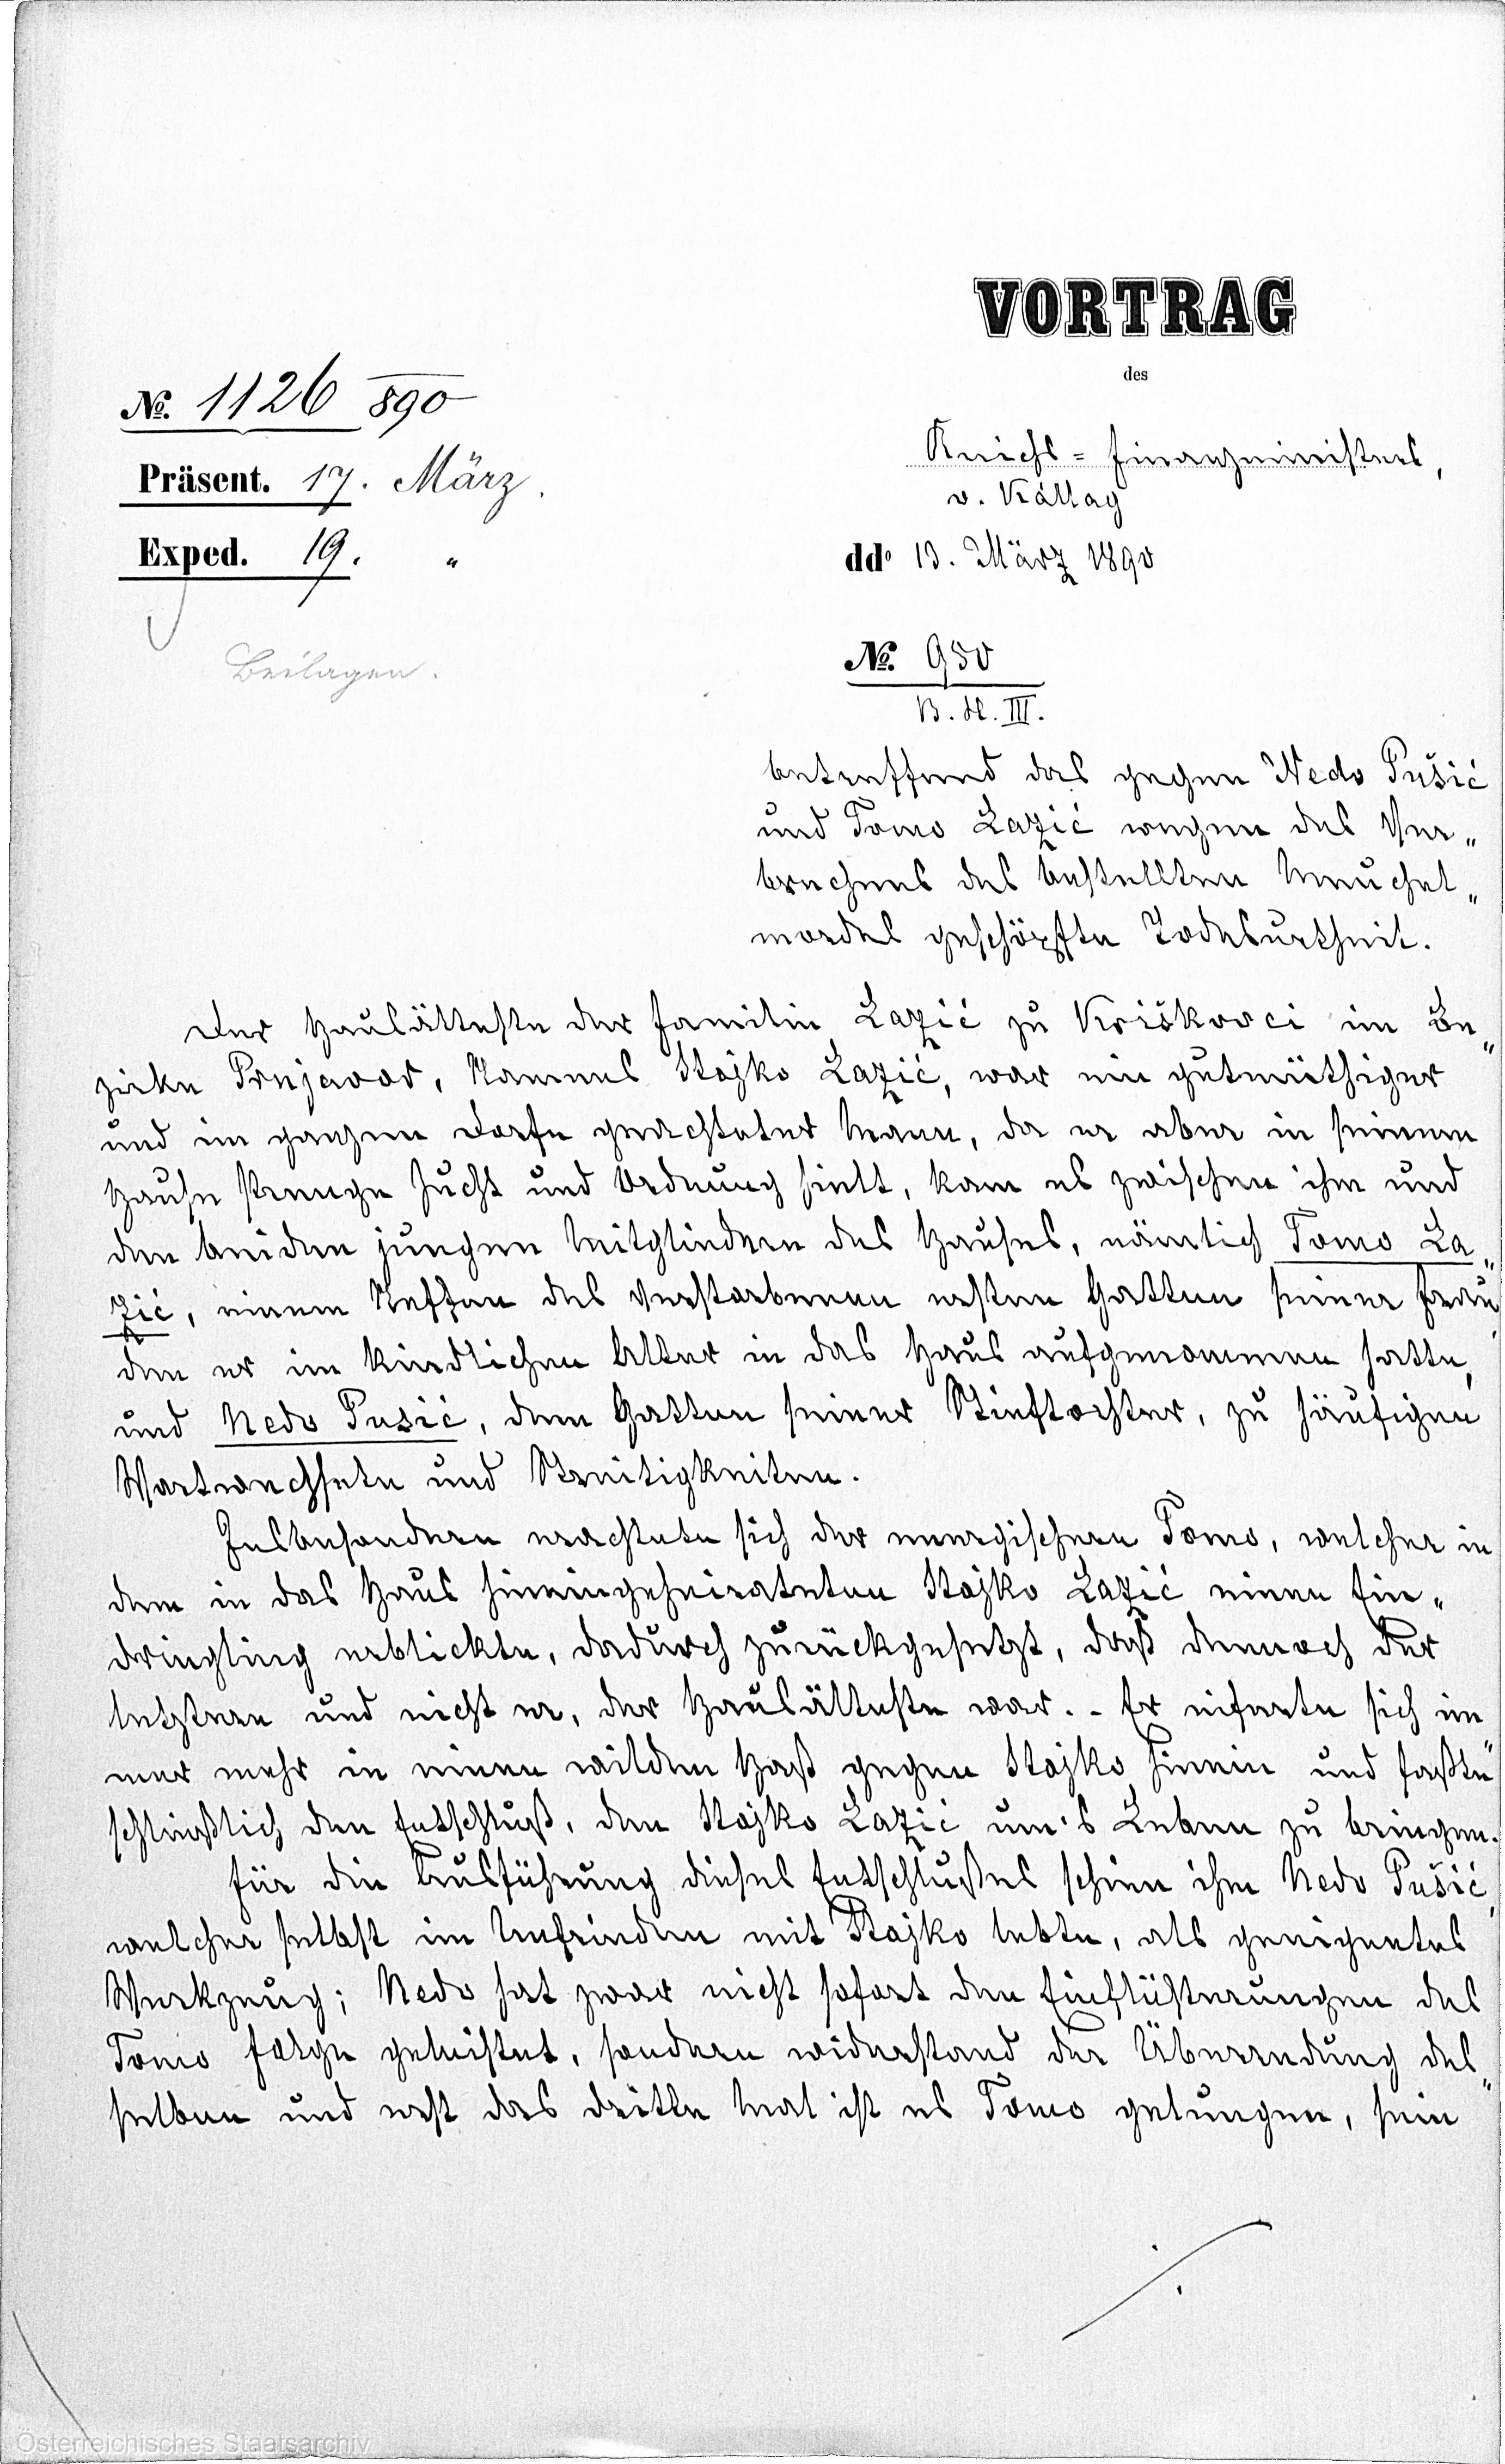N° 1126 890
Präsent. 17. März.
Exped. 19. März.
Beilagen.
VORTRAG
des
Reichs-Finanzministers,
v. Kállay
dd° 13. März 1890
N° 950
B. H. III.
betreffend das gegen Nedo Pušić
und Tomo Lazić wegen des Ver¬
brechens des bestellten Meuchel¬
mordes geschöpfte Todesurtheil.
Der Hausälteste der Familie Lazić zu Kriškovci im Be¬
zirke Prejavod, Namens Stojko Lazić, war ein gutmüthiger
und im gegen Dorfe geachteter Mann, der er aber in seinem
Hause Strenge Zucht und Ordnung hielt, kam es zwischen ihm und
den beiden jungen Mitgliedern des Hauses, nämlich Tomo La¬
zić, einem Neffen des verstorbenen ersten Gatten seiner Frau
den er im Kindlichen Alter in das Haus aufgenommen hatte,
und Nedo Pusić, dem Gatten seines Stieftochter, zu häufigen
Wortwechseln und Streitigkeiten.
Insbesondere erachtete sich der energischere Tomo, welcher in
dem in das Haus Hineingeheirateten Stojko Lazić einen Ein¬
dringling erblickte, dadurch zurückgesetzt, daß danach der
letztere und nicht er, der Hausälteste war. - Er eiferte sich im¬
mer mehr in einen wilden Haß gegen Stojko hinein und faßte¬
schließlich den Entschluß, den Stojko Lazić um’s Leben zu bringen.
Für die Ausführung dieses Entschlußes schien ihm Nedo Pušić,
welcher selbst im Unfrieden mit Stojko lebte, als geeignetes
Werkzeug; Nedo hat zwar nicht sofort den Einflüsterungen des
Tomo folge geleistet, sondern widerstand der Überredung des¬
selben und erst das dritte Mal ist es Tomo gelungen, sein